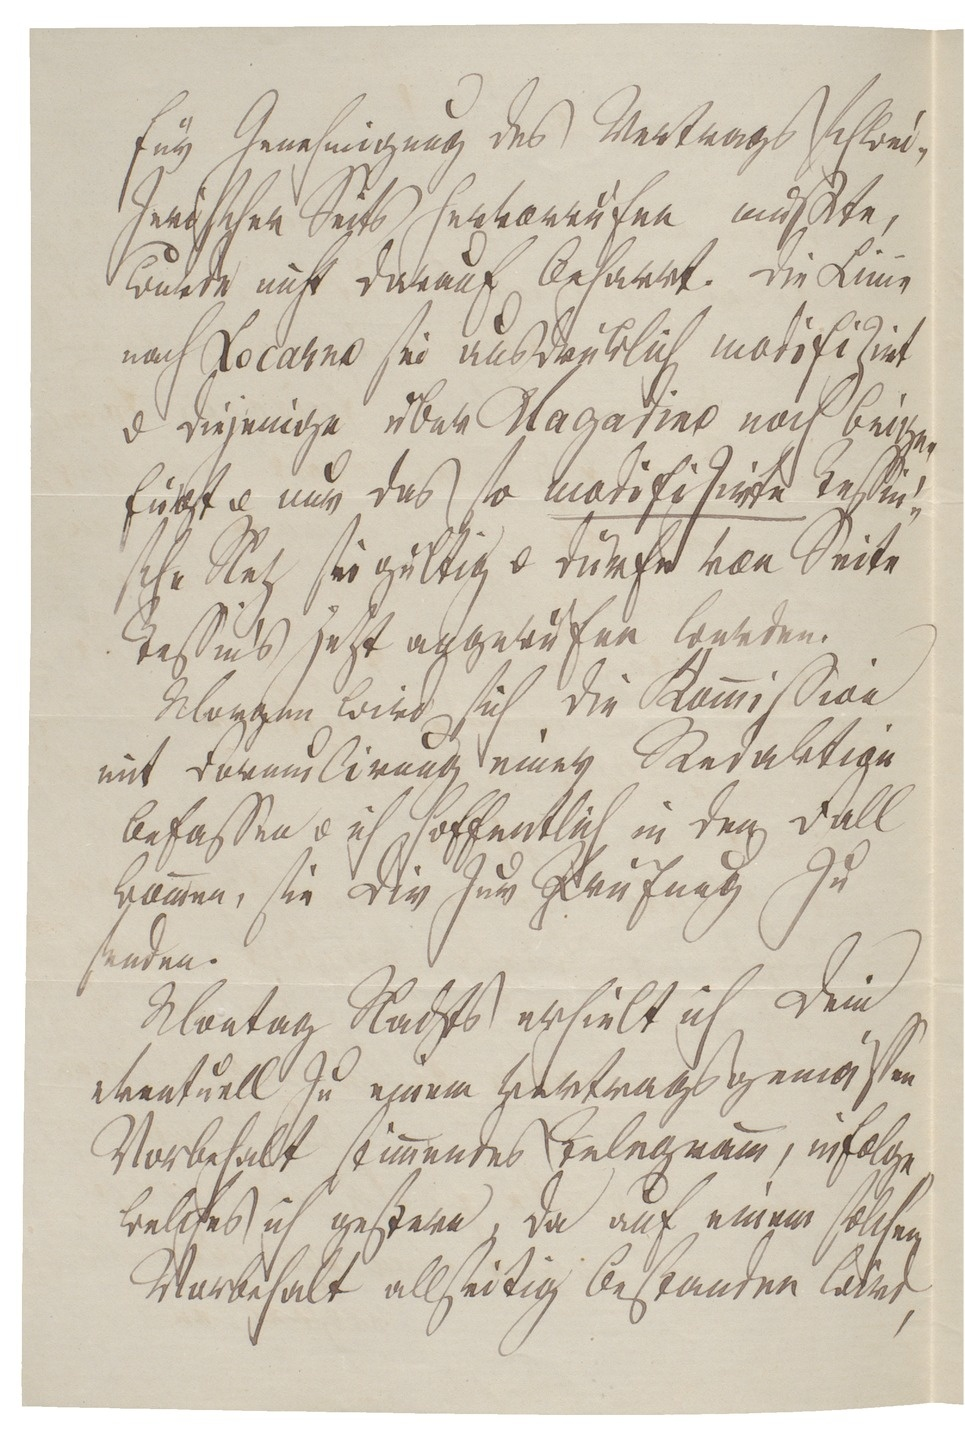für Genehmigung des Vertrags schwei-
zerischer Seits hervorrufen müßte,
wurde nicht darauf beharrt. Die Linie
nach Locarno sei ausdrücklich modifizirt
& diejenige über Magadino noch beige-
fügt & nur das so modifizirteTessin'-
sche Netz sei gültig & dürfe von Seite
Tessin's jetzt angerufen werden.
Morgen wird sich die Kommission
mit Formulirung einer Redaktion
befassen & ich hoffentlich in den Fall
kommen, sie Dir zur Prüfung zu
senden.
Montag Nachts erhielt ich Dein
eventuell zu einem vertragsgemässen
Vorbehalt stimmendes Telegramm, infolge
welches ich gestern, da auf einem solchen
Vorbehalt allseitig bestanden wird,